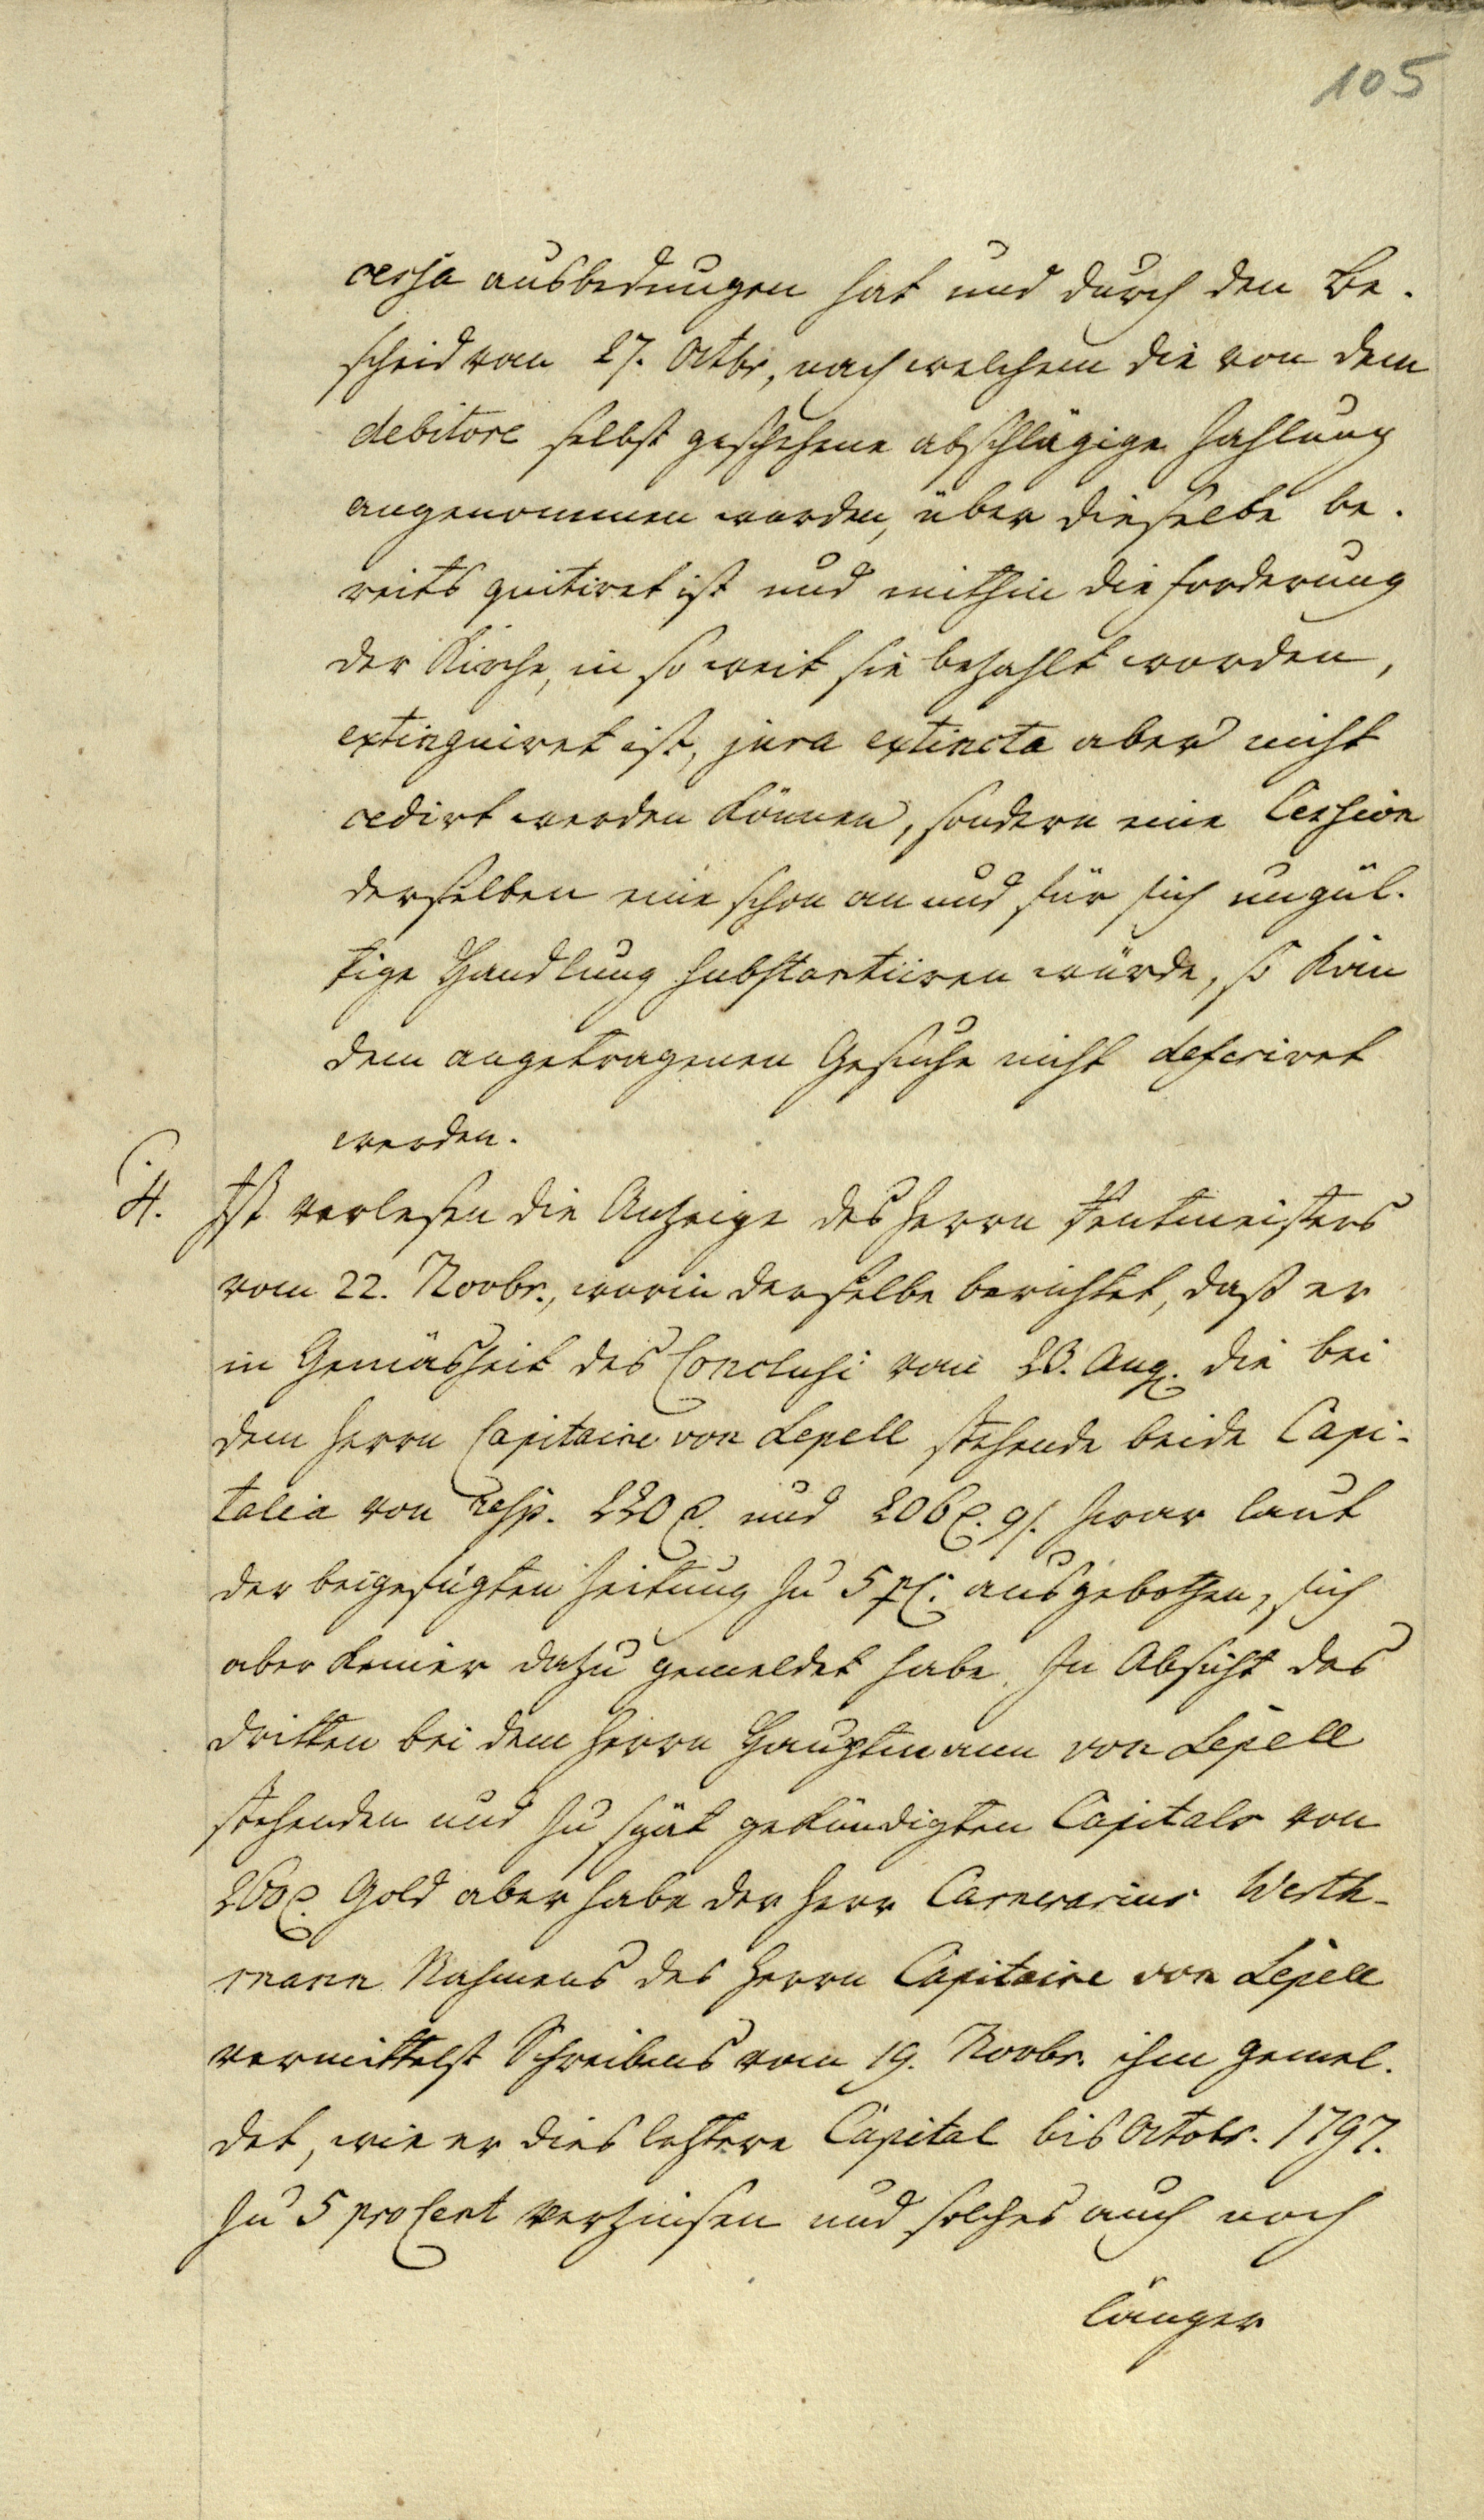cessa ausbedungen hat und durch den Be¬
scheid von 27. Octbr, nach welchem die von dem
debitore selbst geschehene abschlägige Zahlung
angenommen worden, über dieselbe be¬
reits quitiret ist und mithin die Forderung
der Kirche, in so weit sie bezahlt worden,
extinguiret ist, jura extincta aber nicht
cedirt werden können, sondern eine Cession
derselben eine schon an und für sich ungül¬
tige Handlung substantiren würde, so kan
dem angetragenen Gesuche nicht deferiret
werden.
4. Ist verlesen die Anzeige des Herrn Rentmeistens
vom 22. Novbr., worin derselbe berichtet, daß er
in Gemäsheit des Conclusi von 23. Aug. die bei
dem Herrn Capitaine von Lepell stehende beide Capi¬
talia von resp. 220 l. und 206 l. 9 s. zwar laut
der beigefügten Zeitung zu 5 pl. ausgebothen, sich
aber keiner dazu gemeldet habe. In Absicht des
dritten bei dem Herrn Hauptmann von Lepell
stehenden und zu spät gekündigten Capitals von
260 l. Gold aber habe der Herr Camerarius Werth¬
mann Nahmens des Herrn Capitaine von Lepell
vermittelst Schreibens vom 19. Novbr. ihm gemel¬
det, wie er dies letztere Capital bis Octbr. 1797.
zu 5 procent verzinsen und solches auch noch
länger